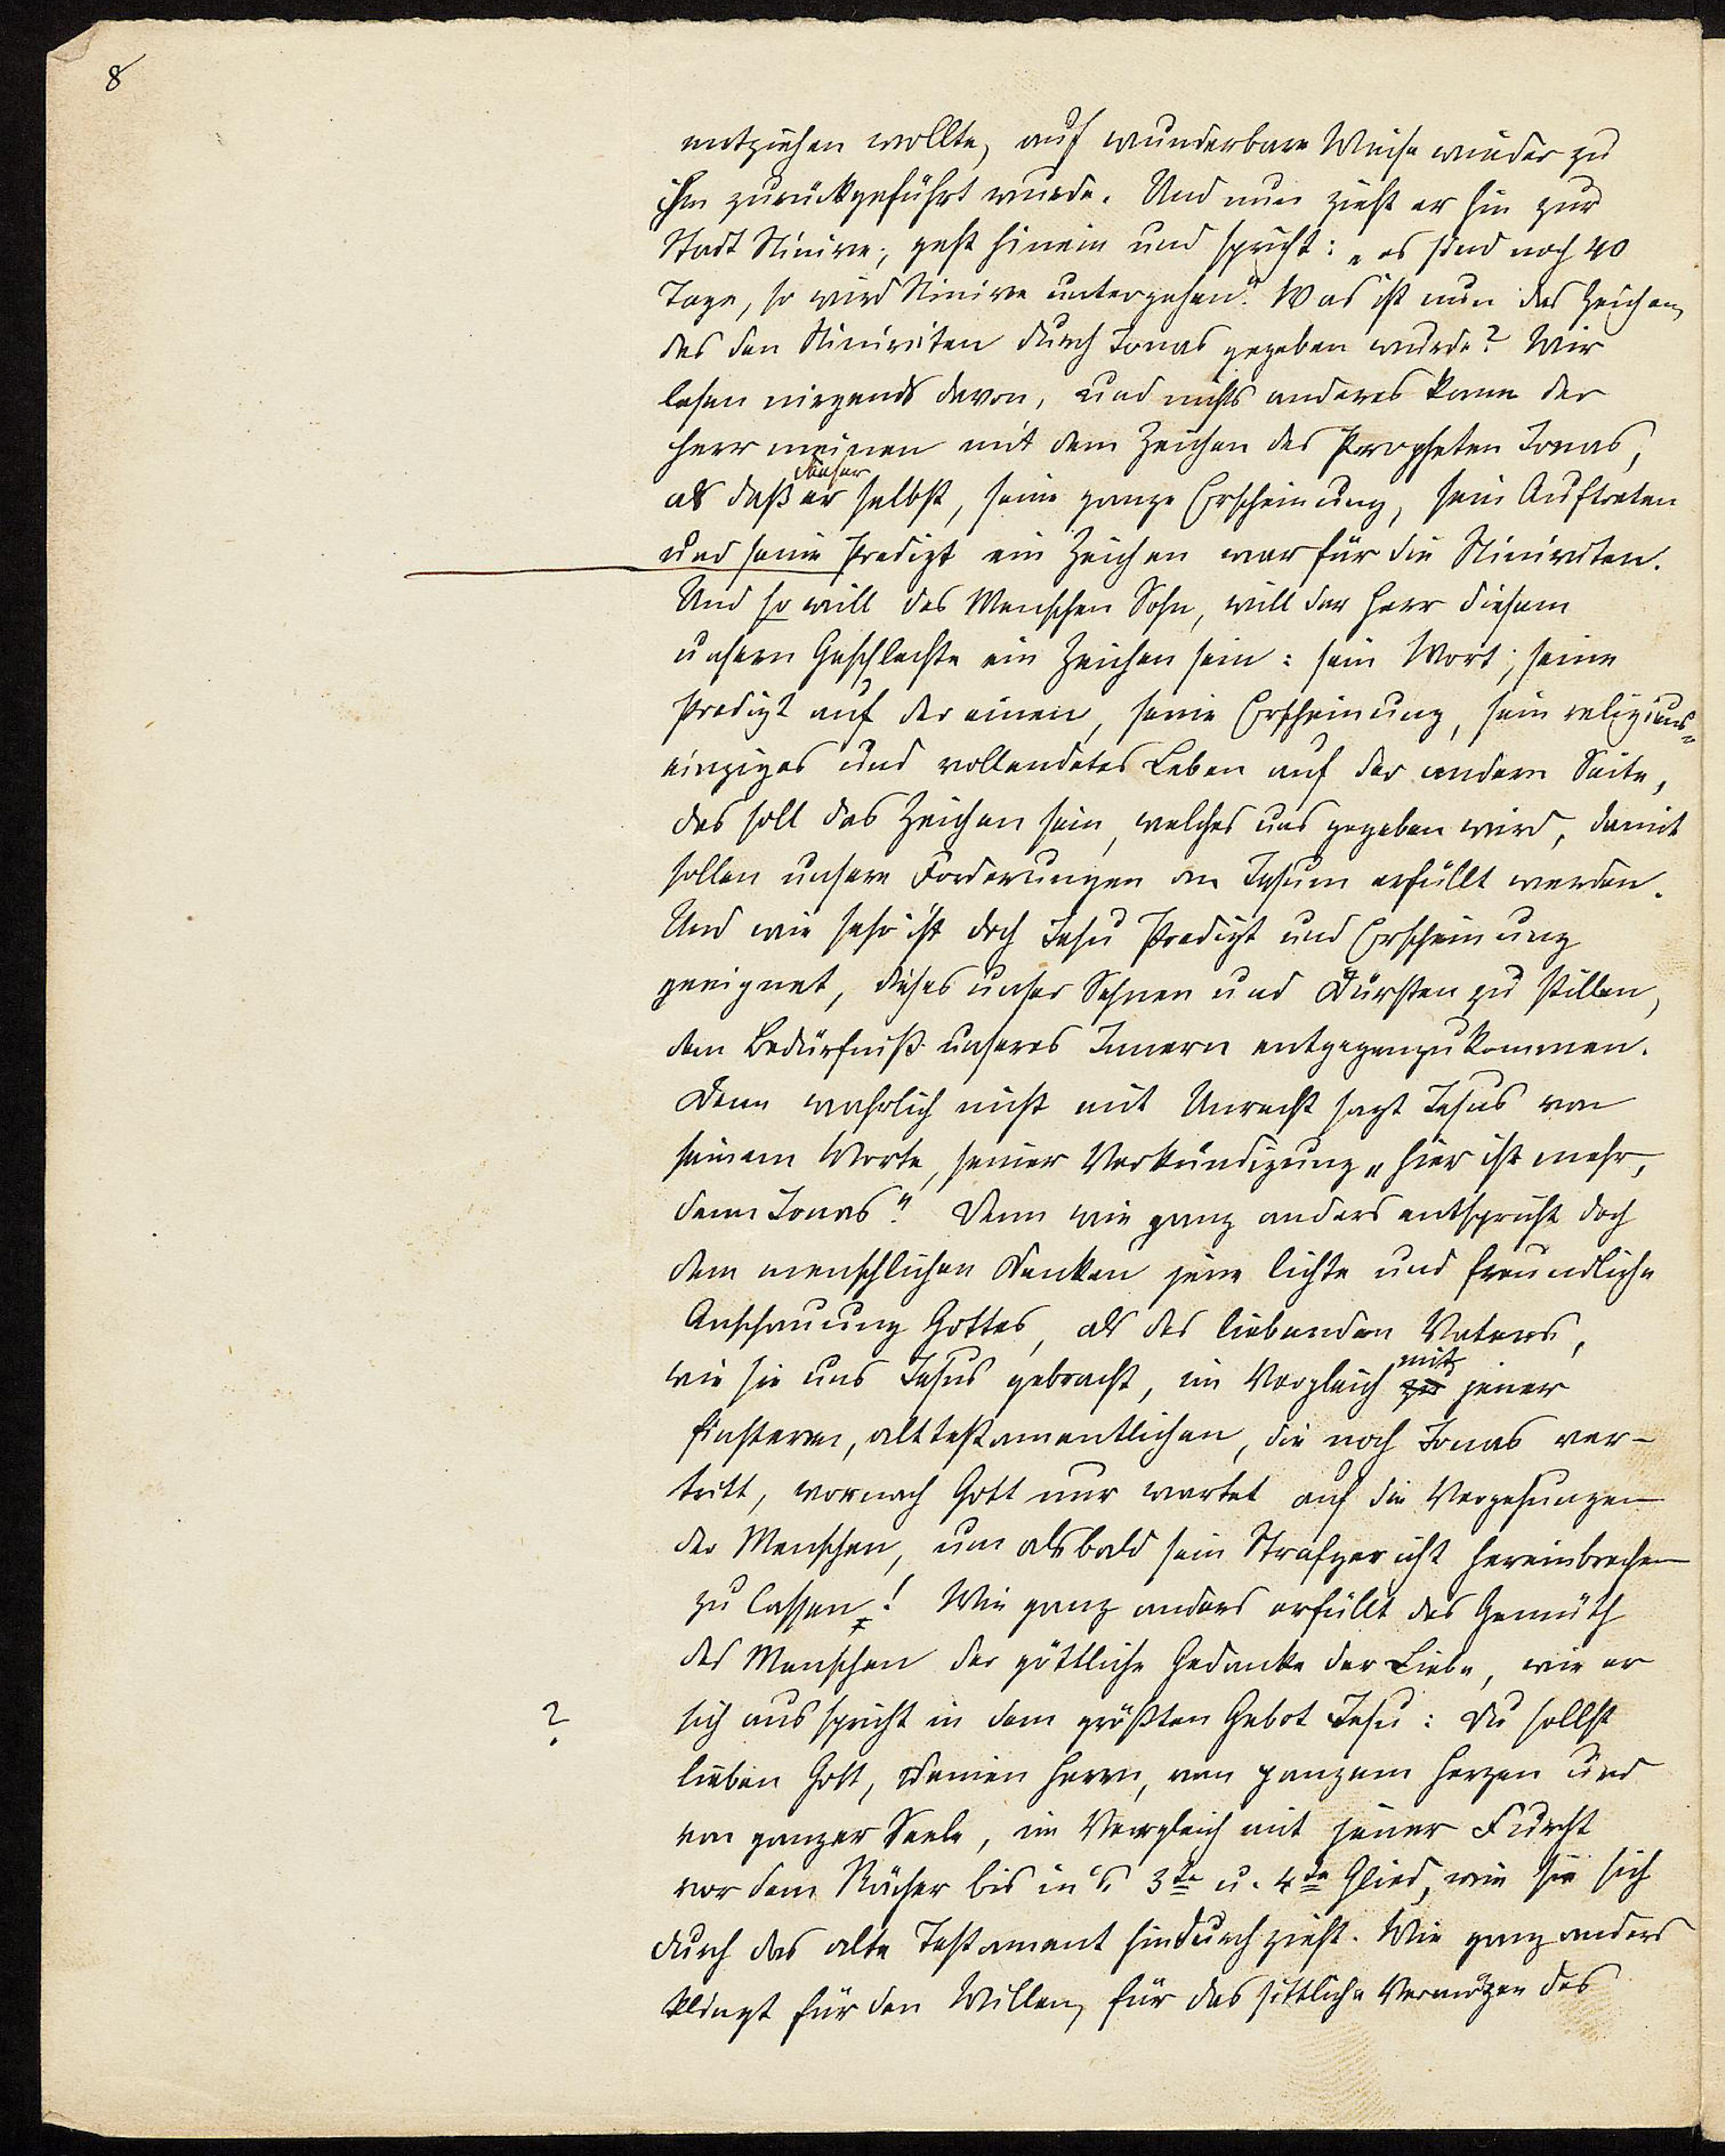o
entziehen wollte, auf wunderbare Weise wieder zu
ihm zurückgeführt wurde. Und nun geht er hin zur
Stadt Ninive, geht hinein und spricht: "es sind noch 40
Tage, so wird Ninive untergehen." Was ist nun das Zeichen,
das den Niniviten durch Jonas gegeben wurde? Wir
lesen nirgends davon, und nichts anderes kann der
Herr meinen mit dem Zeichen des Propheten Jonas,
dieser
als daß er selbst, seine ganze Erscheinung, sein Auftreten
und seine Predigt ein Zeichen war für die Niniviten.
Und so will des Menschen Sohn, will der Herr diesem
unserm Geschlechte ein Zeichen sein: sein Wort seine
Predigt auf der einen, seine Erscheinung, sein religieus
einziges und vollendetes Leben auf der andern Seite,
das soll das Zeichen sein, welches uns gegeben wird, damit
sollen unsere Forderungen an Jesum erfüllt werden.
Und wie sehr ist doch Jesu Predigt und Erscheinung
geeignet, dieses unser Sehnen und Dürsten zu stillen,
dem Bedürfnis unseres Innern entgegenzukommen.
Denn wahrlich nicht mit Unrecht saig Jesus von
seinem Worte, seiner Verkündigung "hier ist mehr,
denn Jonas." Denn wie ganz anders entspricht doch
dem menschlichen Denken jene lichte und freundliche
Anschauung Gottes, als des liebenden Vaters,
mit
wie sie uns Jesus gebracht, im Vergleich zu jener
finsteren, alttestamentlichen, die noch Jonas ver¬
tritt, worauf Gott nur wartet auf die Vergehungen
der Menschen, um alsbald sein Strafgericht hereinbrechen
zu lassen! Wie ganz anders erfüllt das Gemüth
des Menschen der göttliche Gedanke der Liebe, wie er
sich ausspricht in dem größten Gebot Jesu: Du sollst
lieben Gott, deinen Herrn, von ganzem Herzen und
von ganzer Seele, im Vergleich mit jener Furcht
vor dem Rächer bis in's 3te und 4te Glied, wie sie sich
durch das alte Testament hindurchzieht. Wie ganz anders
klingt für den Willen, für das sittliche Vermögen des